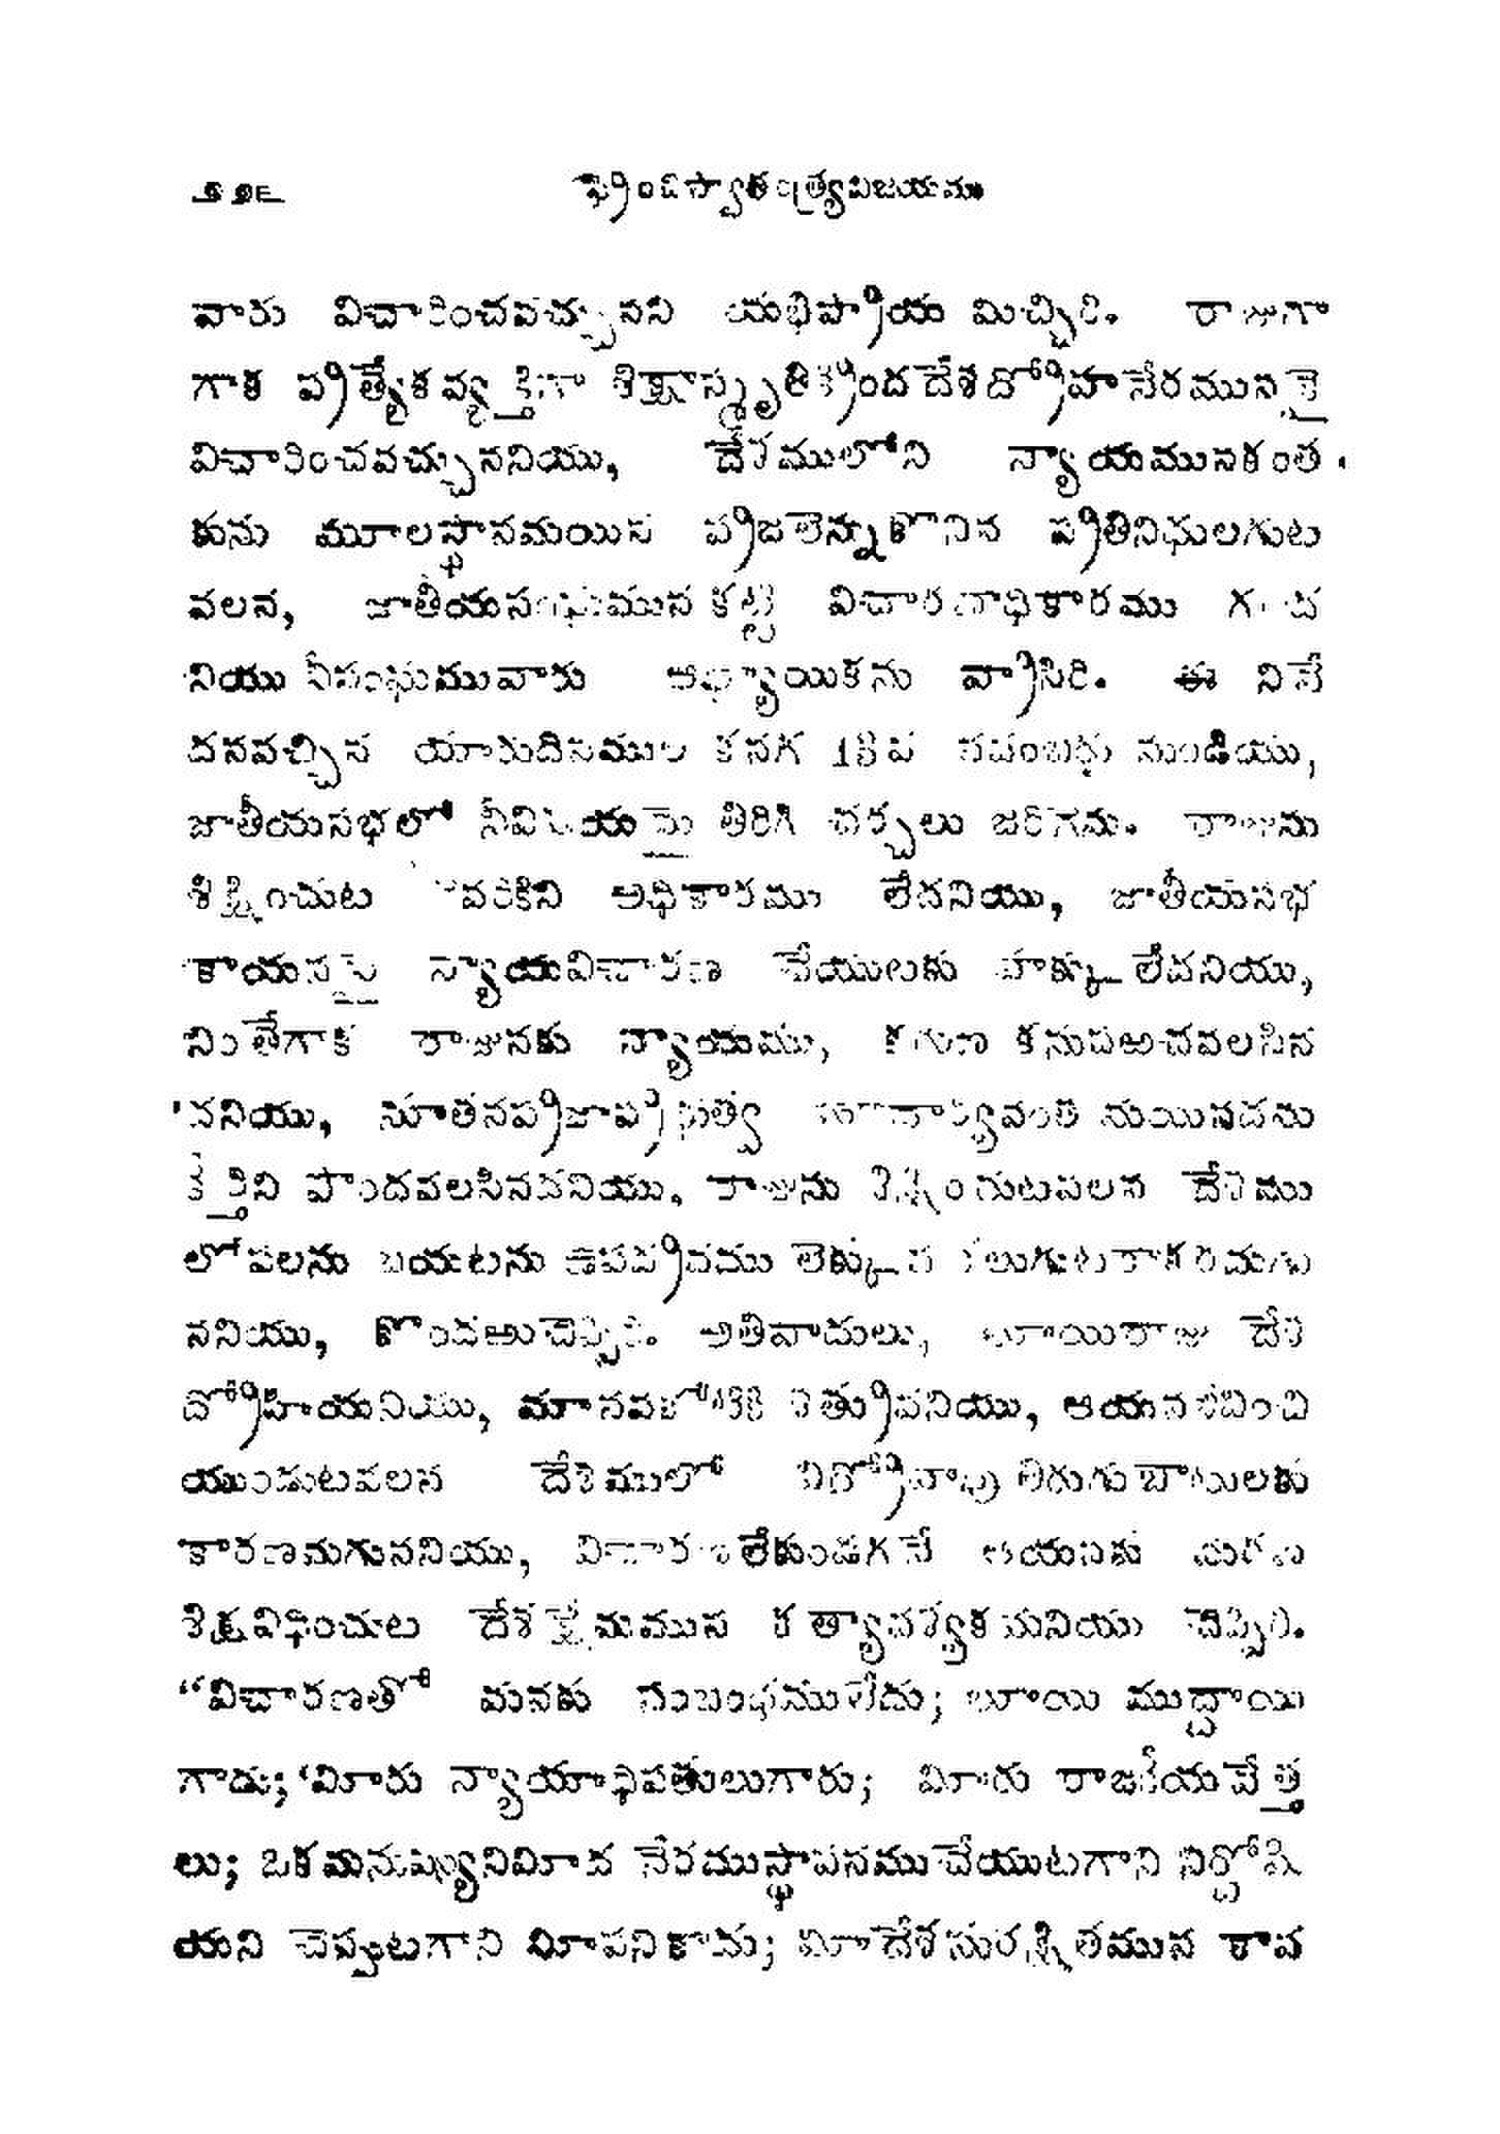వారు విచారించవచ్చునని యభిప్రాయ మిచ్చిరి.రాజుగా
గాక ప్రత్యేక వ్యక్తిగా శిక్షాస్మృతి క్రింద దేశద్రోహ నేరమునకై
విచారించవచ్చుననియు,దేశములోని న్యాయమున కంత 
కును మూలస్థానమయిన ప్రజ లెన్న కొనిన ప్రతినిధులగుట
వలన, జాతీయసంఘమున కట్టి విచారనాధికారము గలద
నియు నీ సంసమువారు - అఖ్యాయికను వ్రాసిరి. ఈ నినే
దనవచ్చిన యారుదినముల కనగ 13 నవంబరు నుండియు,
జాతీయసభలో నీవిషయమై తిరిగి చర్చలు జరిగెను. రాజును
శిక్షించుట ఎవరకిని అధికారము లేదనియు, జూతీయసభ
“కాయనపై న్యాయవిచారణ చేయుటకు హక్కు లేదనియు,
నింతేగాక రాజునకు న్యాయము, కరుణ కసుపఱచ వలసిన
దననియు, సూతన ప్రజాప్రత్వ మాదార్య వంత మయినదను
కీర్తిని పొందవలసిన దనియు, రాజును శిక్షించుటవలస దేశము
లోపలను బయటను ఉపద్రవము లెక్కున కలుగుట కారకమగు
ననియు, కొందురు చెప్పిరి. అతివాదులు, లూయి రాజు దేశ
ద్రోహియనియు, మానవకోటికి శతృపనియు, ఆయన జీవించి
యుండుటవలన దేశములో విద్రోహపు తిరుగు బాటులకు 
'కారణముగుననియు, విచారణలేకుండుగనే ఆయనకు మరణ
శిక్ష విదించుట దేశక్షేమముస కత్యావశ్యకత మనియు చెప్పిరి
“విచారణతో మనకు సంబందము లేదు; లూయి ముద్దాయి.
గాడు, 'మీరు న్యాయాధిపతులుగారు; మీరు రాజకీయవేత్త
లు; ఒక మనుష్య నివిూద నేరము స్థాపనము చేయుటగాని నిర్దోషి 
యని చెప్పుటగాని మీపని కాదు; మీదేశ సురక్షితమున కావ